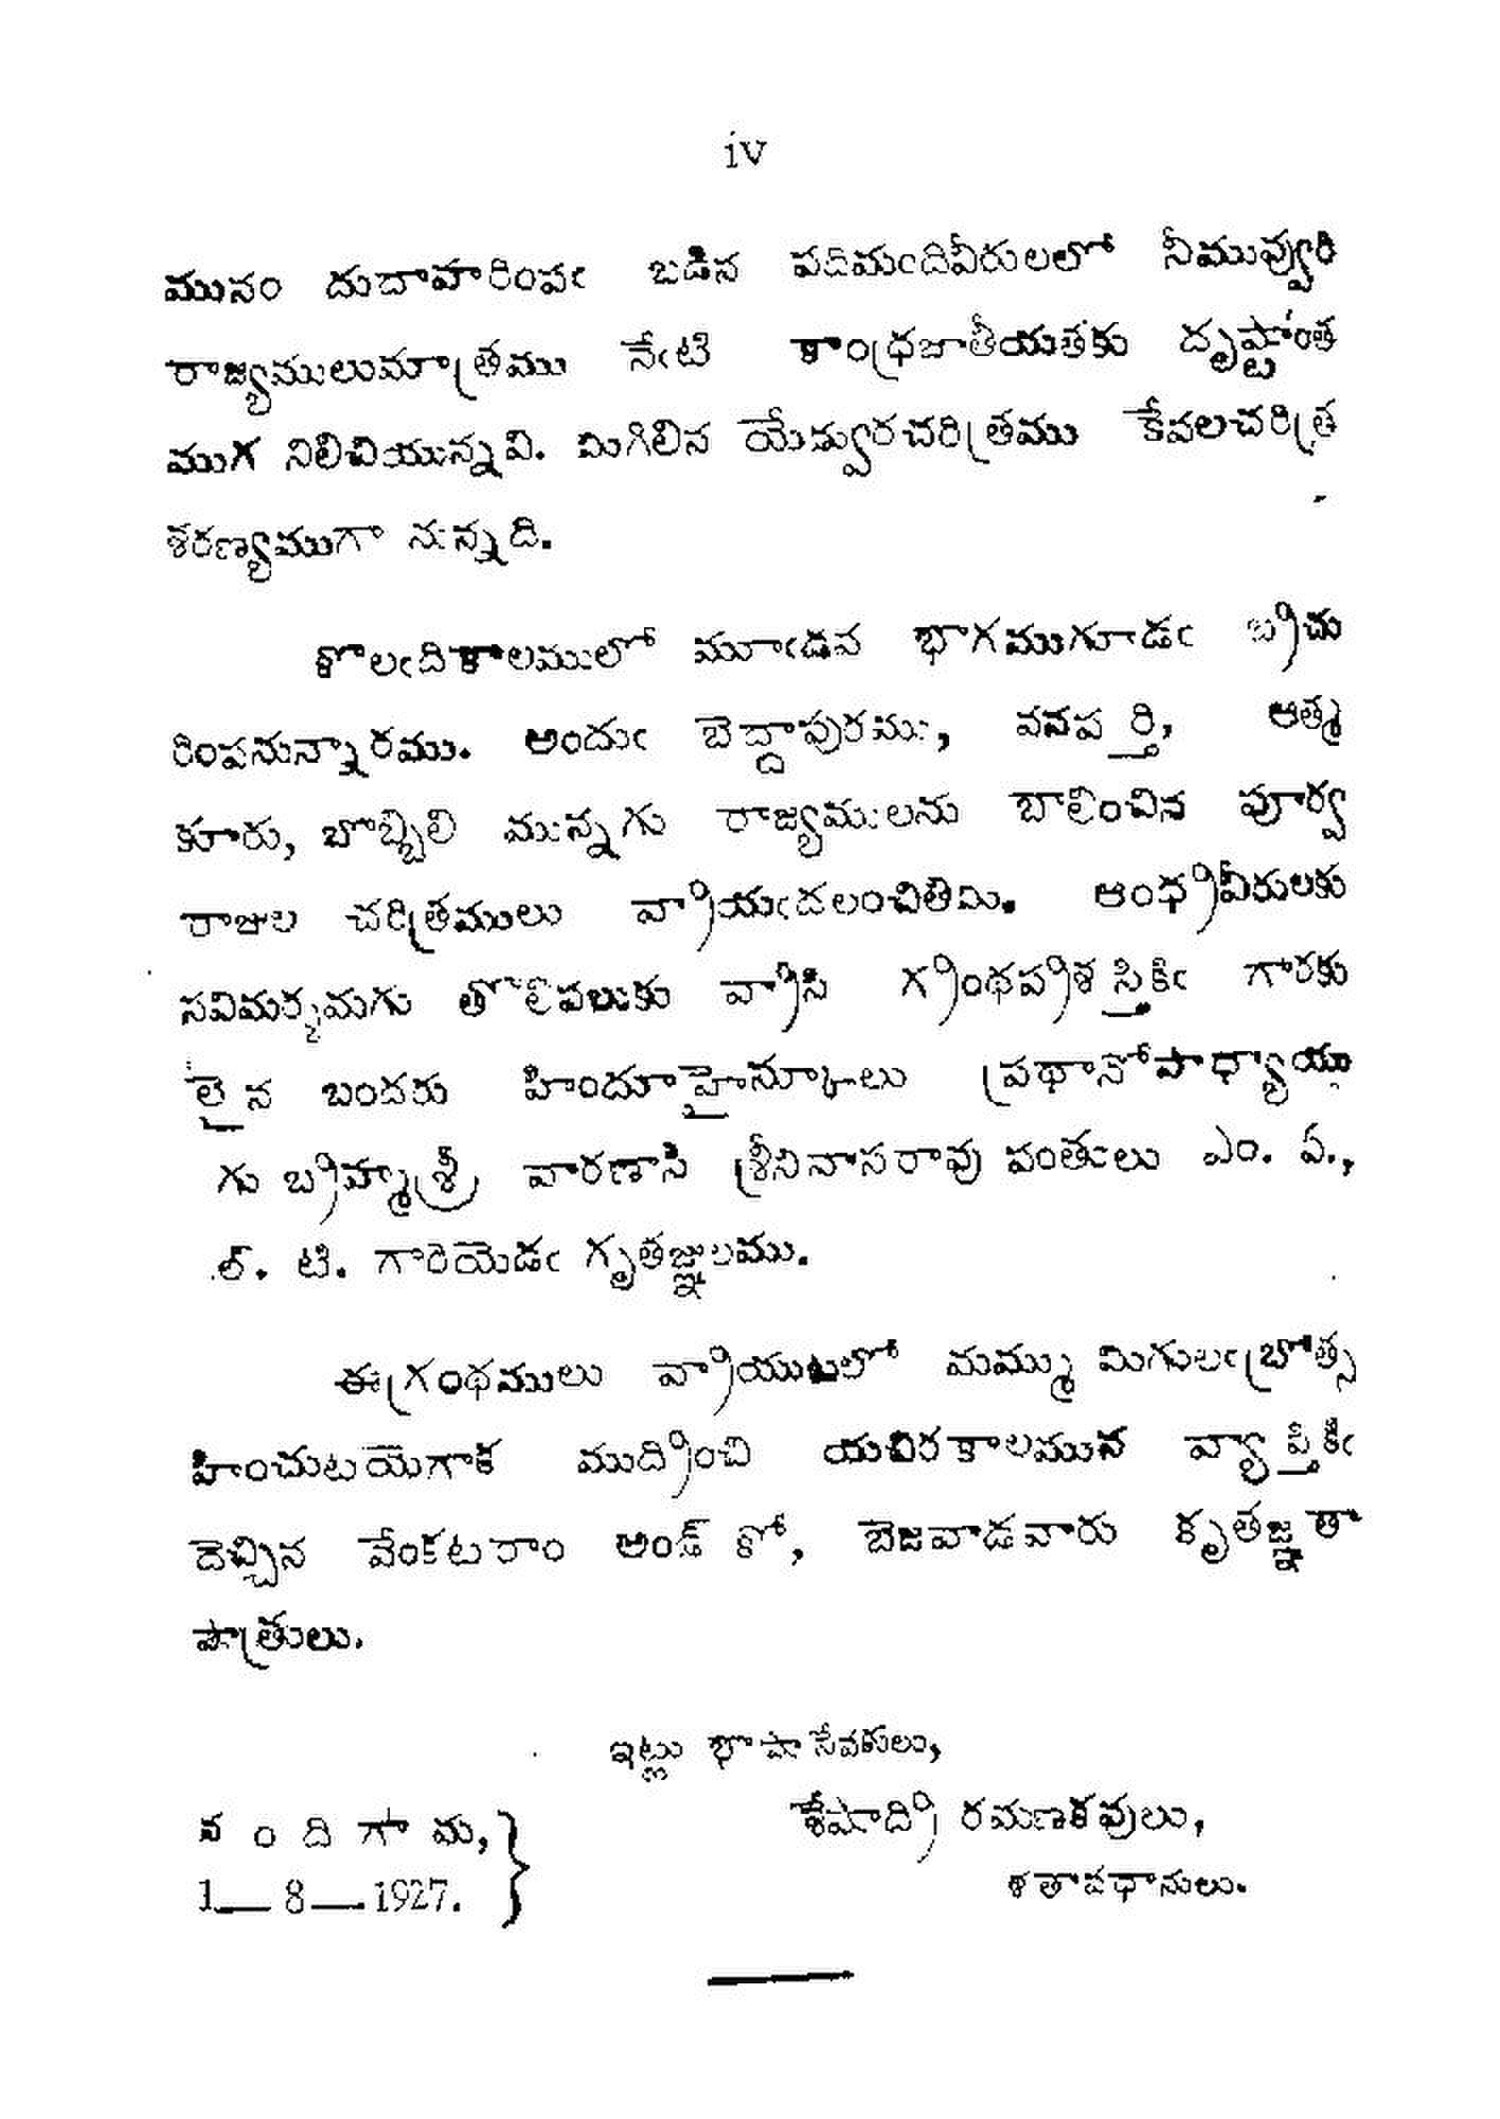మునం దుదాహరింప బడిన పదిమందివీరులలో నీమువ్వురి రాజ్యములుమాత్రము నేటి కాంధ్రజాతీయతకు దృష్టాంతముగ నిలిచియున్నవి. మిగిలిన యేడ్వురచరిత్రము కేవలచరిత్ర శరణ్యముగా నున్నది.

కొలదికాలములో మూడవ భాగముగూడ బ్రచురింపనున్నారము. అందు బెద్దాపురము, వనపర్తి, ఆత్మకూరు, బొబ్బిలి మున్నగు రాజ్యములను బాలించిన పూర్వరాజుల చరిత్రములు వ్రాయదలంచితిమి. ఆంధ్రవీరులకు సవిమర్శమగు తొలిపలుకు వ్రాసి గ్రంథప్రశస్తికి గారకులైన బందరు హిందూహైస్కూలు ప్రథానోపాధ్యాయులగు బ్రహ్మశ్రీ వారణాసి శ్రీనివాసరావు పంతులు ఎం.ఏ.,ఎల్.టి. గారియెడ గృతజ్ఞులము.

ఈగ్రంథములు వ్రాయుటలో మమ్మ మిగులబ్రోత్సహించుటయెగాక ముద్రించి యచిరకాలమున వ్యాప్తికి దెచ్చిన వేంకటరాం అండ్ కో, బెజవాడవారు కృతజ్ఞతా పాత్రులు.

ఇట్లు భాషాసేవకులు,
శేసాద్రి రమణకవులు
శతావధానులు.
నందిగామ,
1 - 8 - 1927.

________